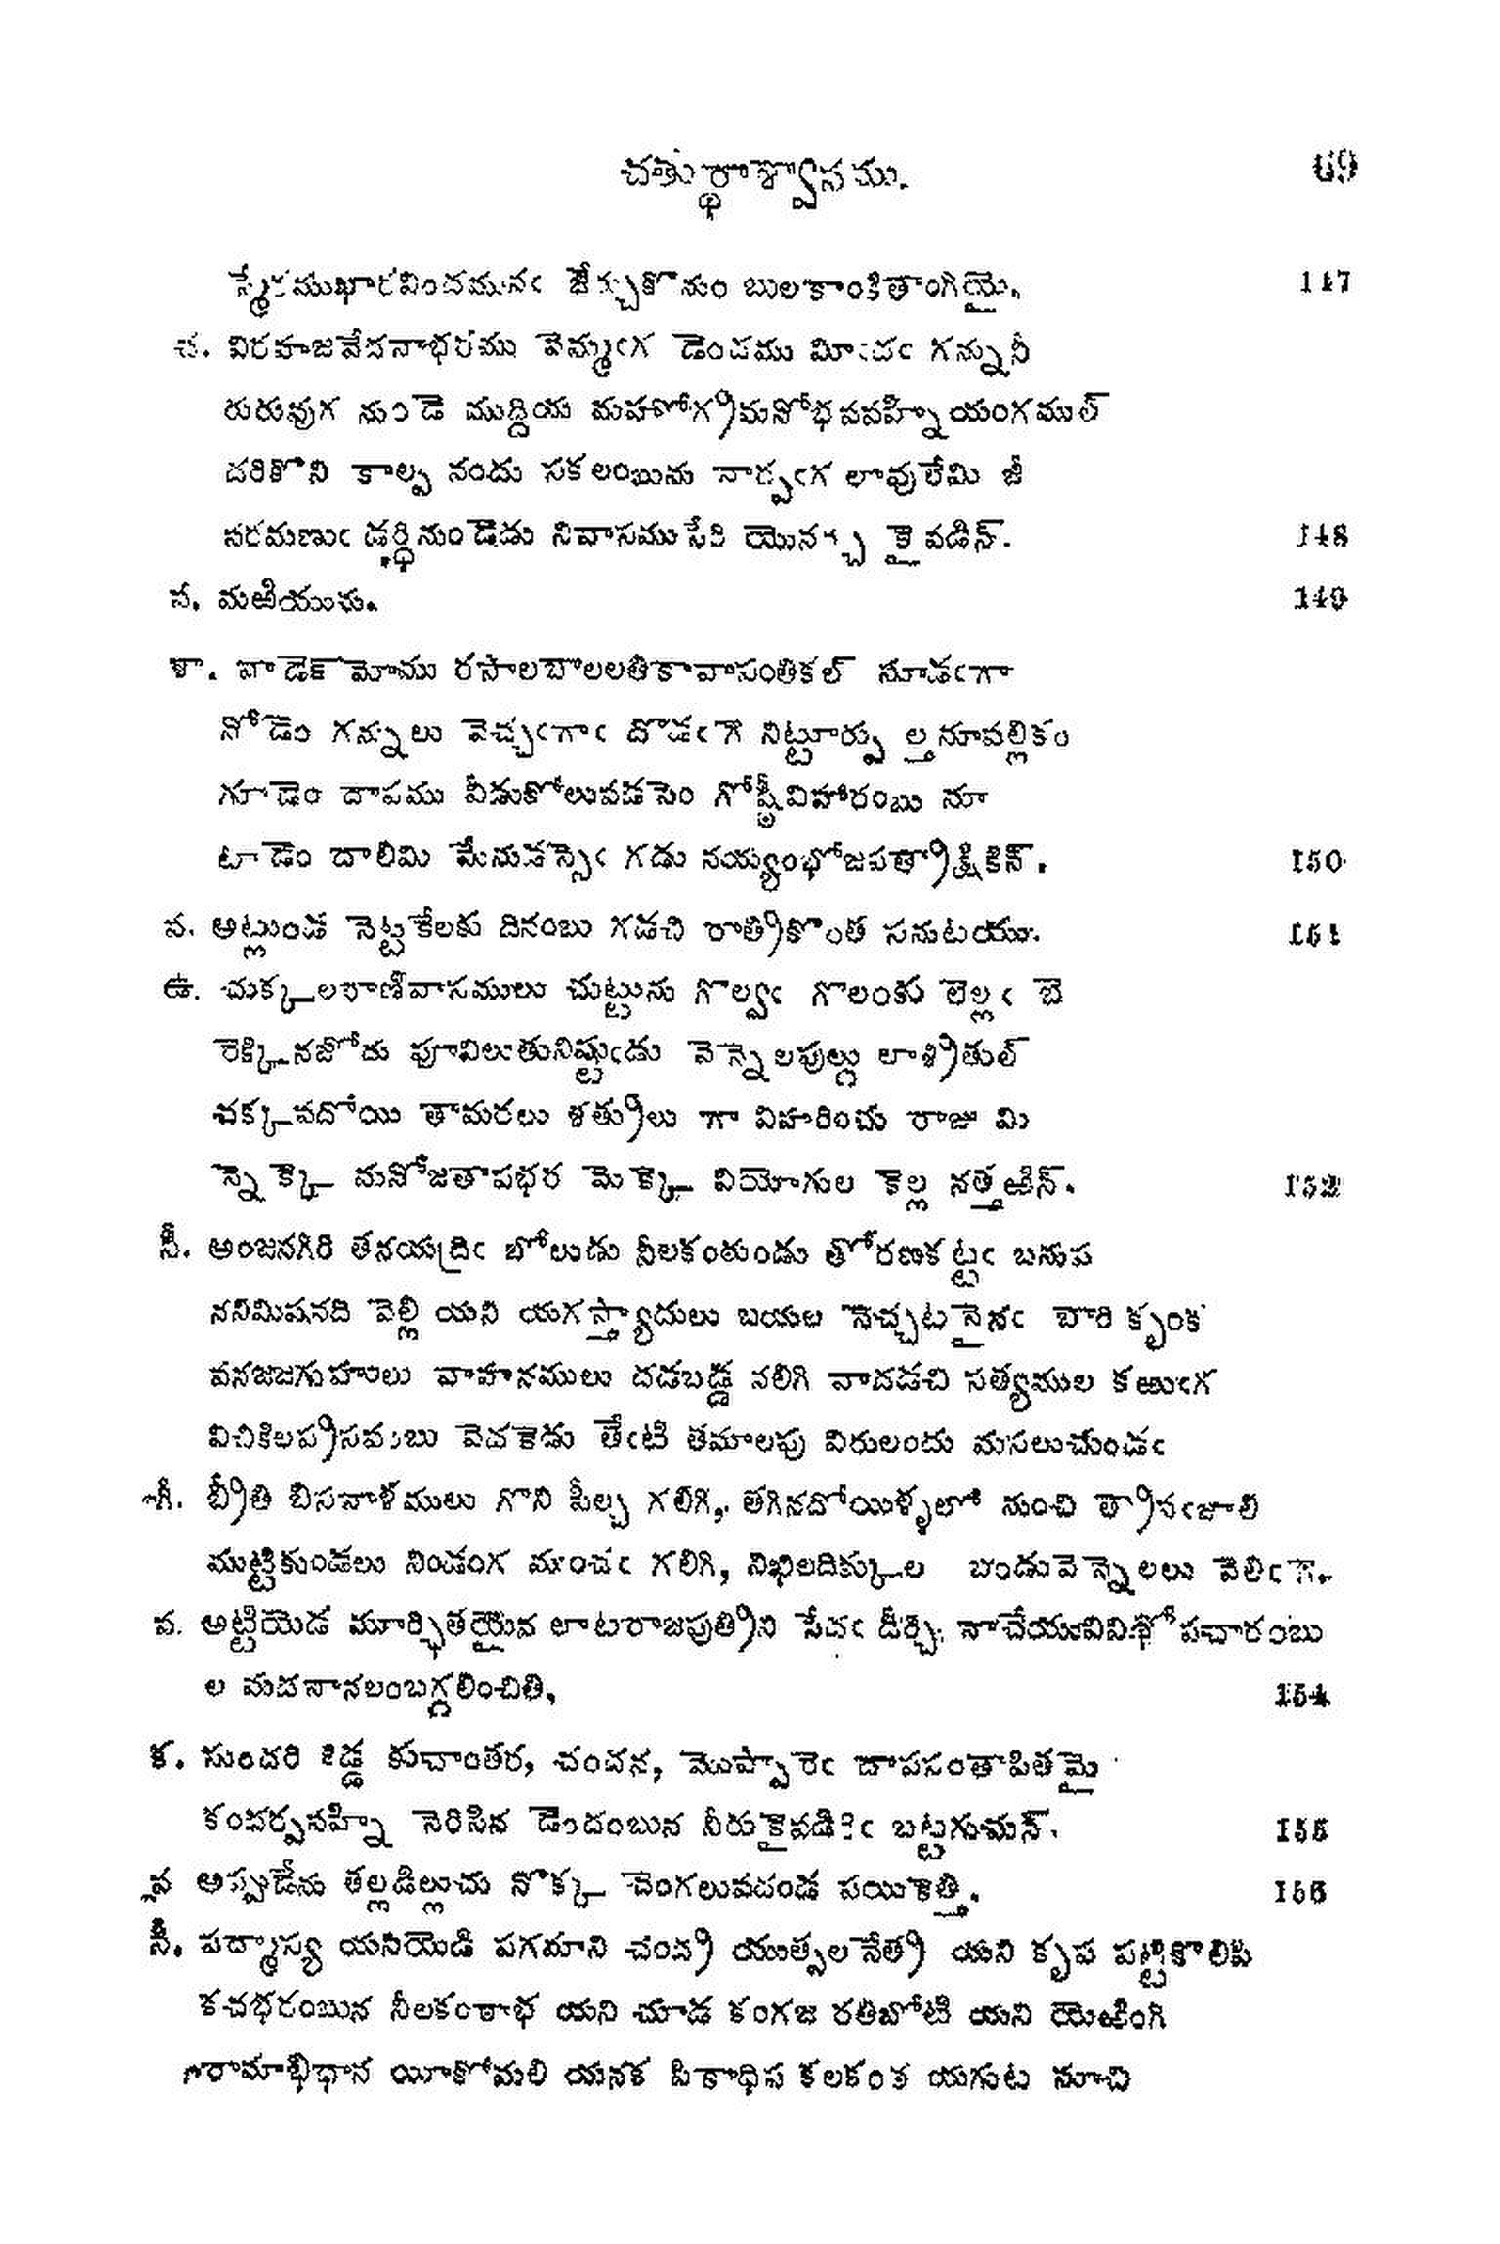స్మేరముఖారవిందమునఁ జేర్చుకొనుం బులకాంకితాంగియై.
చ. విరహజవేదనాభరము వెన్ముఁగ డెందముమీఁదఁ గన్నునీ
 రురువుగ ను౦డె ముద్దియ మహోగ్రమనోభవవహ్ని యంగముల్
 దరికొని కాల్ప నందు సకలంబును నార్పఁగ లావులేమి జీ
 వరమణుఁ డర్థినుండెడు నివాసము సేరి యొనర్చె కైవడిన్.
వ. మఱియును.
శా. వాడెన్ మోము రసాలబాలలతికావాసంతికల్ సూడఁగా
 నోడెం గన్నులు వెచ్చఁగాఁ దొడఁగె నిట్టూర్పు ల్తనూవల్లికం
 గూడెం దాపము వీడుకోలువడసెం గోష్ఠీవిహారంబు నూ
 టాడెం దాలిమి మేను డస్సెఁ గడు నయ్యంభోజపత్రాక్షికిన్.
వ. అట్లుండ నెట్టికేలకు దినంబు గడచి రాత్రి కొంత సనుటయు.
ఉ. చుక్కలరాణివాసములు చుట్టును గొల్వఁ గొలంకు లెల్లఁ బే
 రెక్కినజోదు పూవిలుతునిష్టుఁడు వెన్నెలపుల్గు లాశ్రితుల్
 చక్కవదోయి తామరలు శత్రులు గా విహరించు రాజు మి
 న్నెక్కె మనోజుతాపభర మెక్కె వియోగుల కెల్ల నత్తఱిన్.
సీ. అంజనగిరి తనయద్రిఁ బోలుడు నీలకంఠుండు తోరణకట్టఁ బనుప
 ననిమిషనది వెల్లి యని యగస్త్యాదులు బయల నెచ్చటనైనఁ బారి కృంక
 వనజజగుహులు వాహనములు దడబడ్డ నలిగి వాదడచి సత్యముల కఱుఁగ
 విచికిలప్రసవంబు వెదకెడు తేఁటి తమాలపు విరులందు మసలుచుండఁ
గీ. బ్రీతి బిసనాళములు గొని పీల్చ గలిగి, తగినదోయిళ్ళలో నుంచి త్రావఁజాలి
 ముట్టికుండలు నిండంగ ముంచం గలిగి, నిఖిలదిక్కుల బండువెన్నెలలు వెలిఁగె.
వ. అట్టియెడ మూర్ఛితయైన లాటరాజపుత్రిని సేదఁ దీర్చి నాచేయువివిధోపచారంబు
 ల మదనానలం బగ్గలించి.
క. సుందరి కిడ్డ కుచాంతర, చంచన, మొప్పారె దాపసంతాపితమై
 కందర్పవహ్ని నెరిసిన డెందంబున నీరుకైవడికిఁ బట్టగుచున్.
వ. అప్పు డేను తల్లడిల్లుచు నొక్కచెంగలువదండ పయికెత్తి.
సీ. పద్మాస్య యనియెడి పగమాని చంద్ర యుత్పలనేత్ర యని కృప పట్టికొలిపి
 కచభరంబున నీలకంఠాభ యని చూడ కంగజ రతిబోటి యని యెఱింగి
 రామాభిధాన యీకోమలి యనక పికాధిప కలకంఠ యగుట సూచి